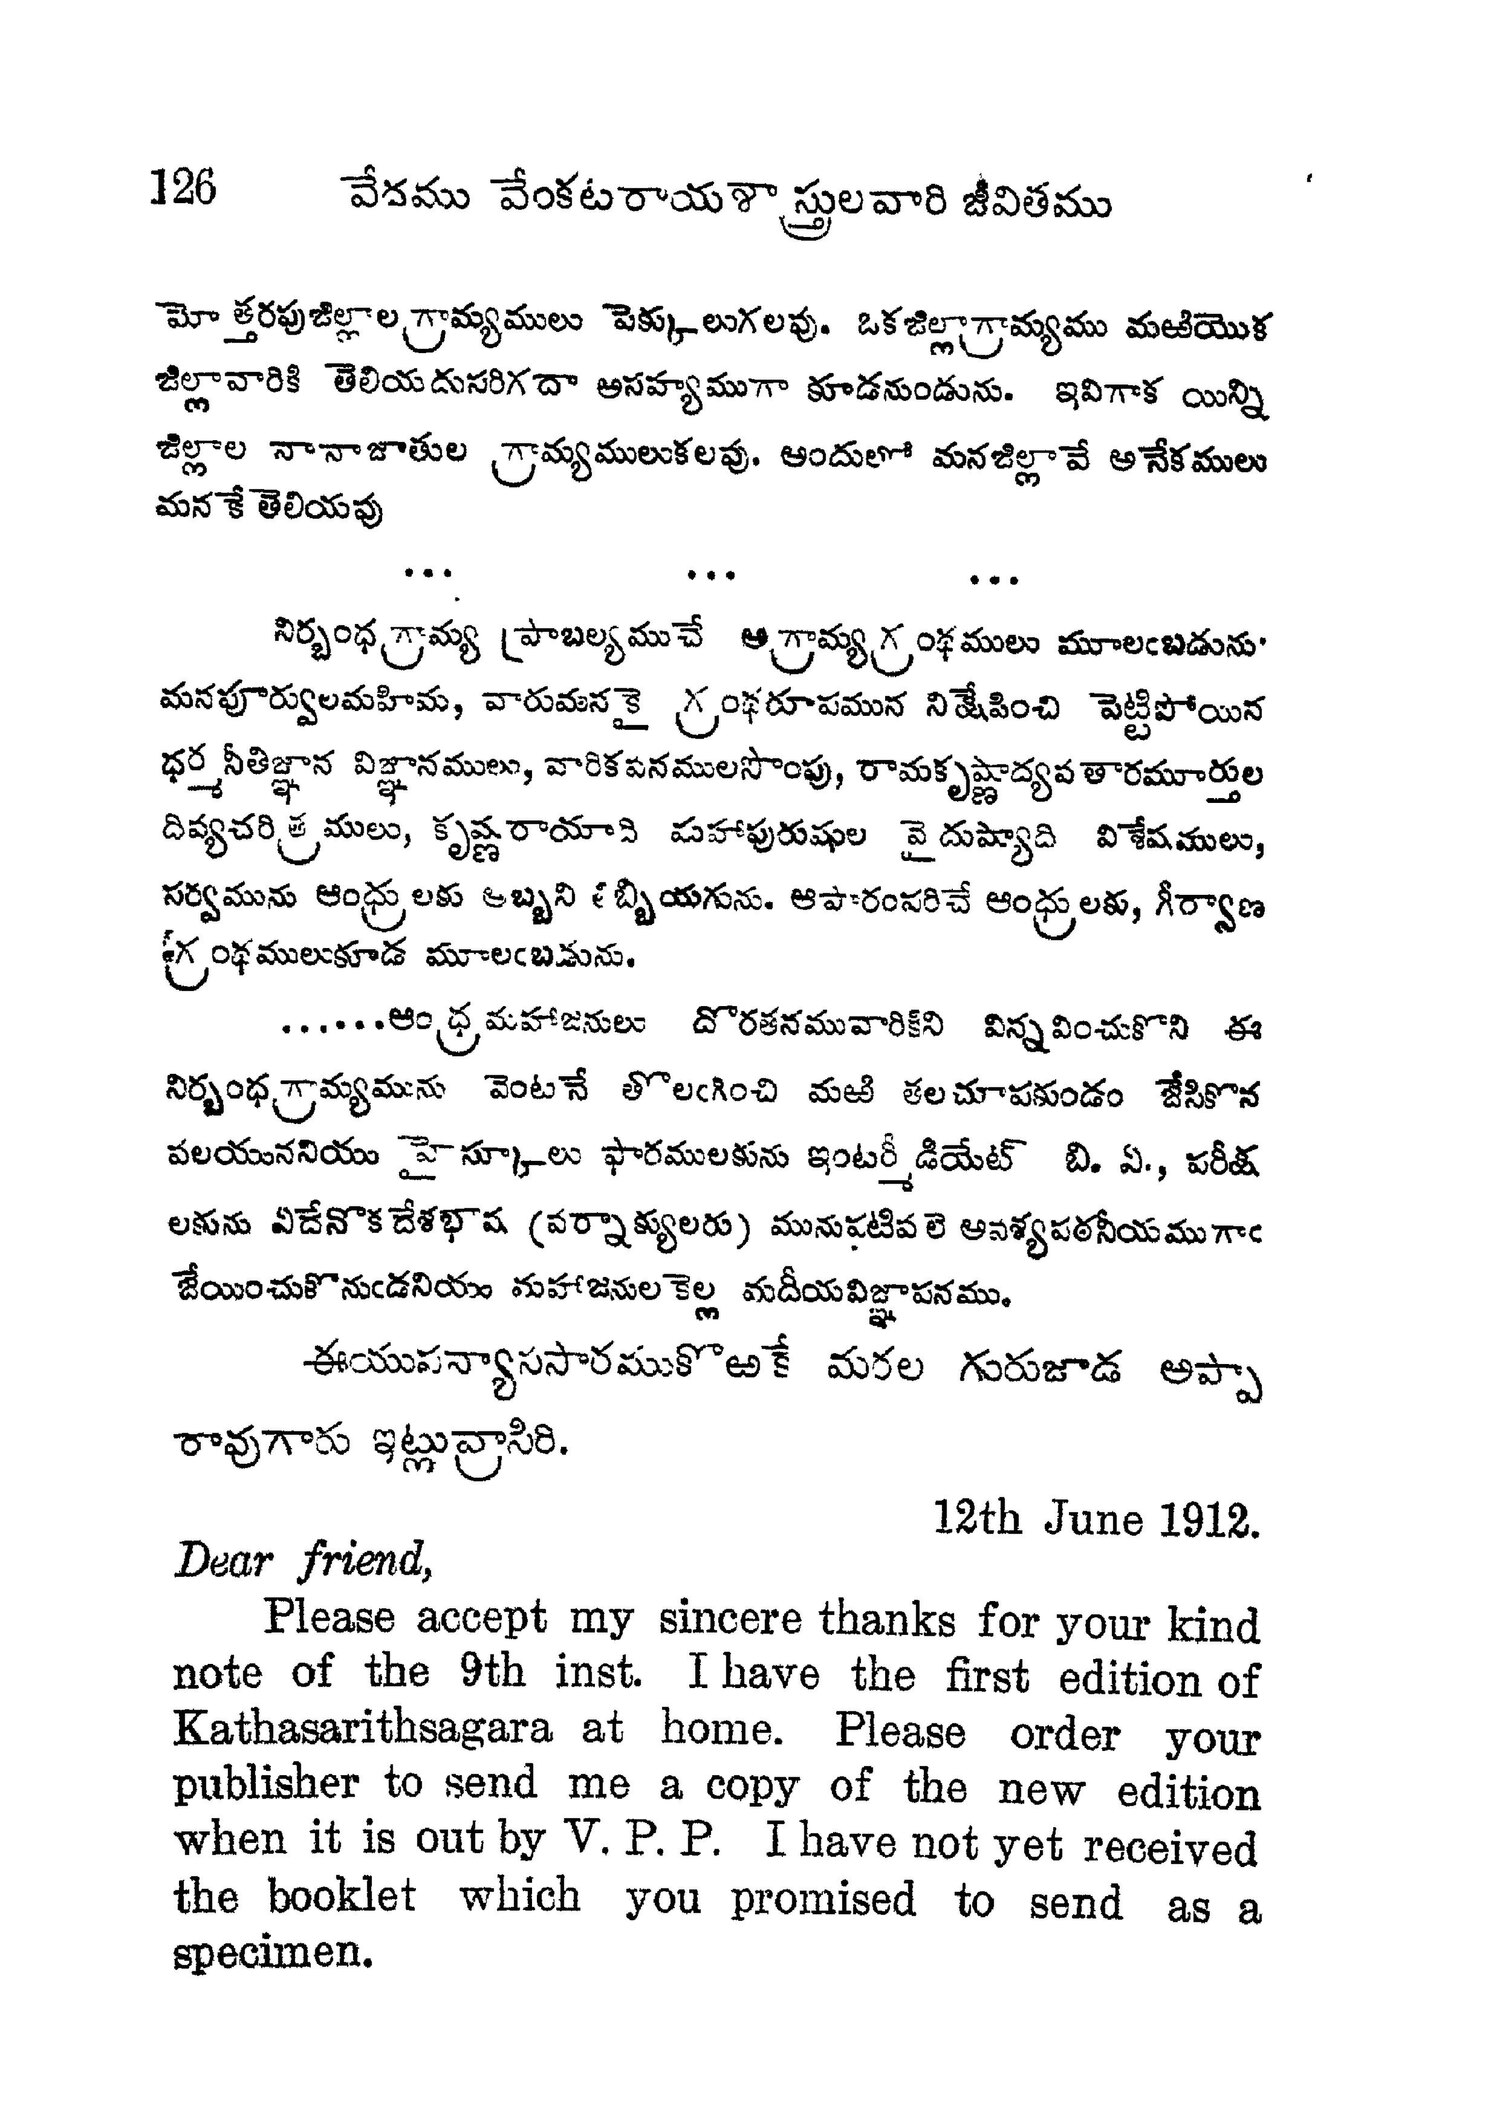మోత్తరపు జిల్లాలగ్రామ్యములు పెక్కులుగలవు. ఒకజిల్లాగ్రామ్యము మఱియొక జిల్లావారికి తెలియదు సరిగదా అసహ్యముగా కూడనుండును. ఇవిగాక యిన్ని జిల్లాల నానాజాతుల గ్రామ్యములుకలవు. అందులో మనజిల్లావే అనేకములు మనకే తెలియవు.

నిర్బంధగ్రామ్య ప్రాబల్యముచే అగ్రామ్యగ్రంథములు మూలబడును. మనపూర్వులమహిమ, వారుమనకై గ్రంథరూపమున నిక్షేపించి పెట్టిపోయిన ధర్మనీతిజ్ఞాన విజ్ఞానములు, వారికవనములసొంపు, రామకృష్ణాద్యవతారమూర్తుల దివ్యచరిత్రములు, కృష్ణరాయాది మహాపురుషుల వైదుష్యాది విశేషములు, సర్వమును ఆంధ్రులకు అబ్బని లిబ్బియగును. ఆపారంపరిచే ఆంధ్రులకు, గీర్వాణగ్రంథములుకూడ మూలబడును.

........ఆంధ్రమహాజనులు దొరతనమువారికి విన్నవించుకొని ఈ నిర్బంధ గ్రామ్యమును వెంటనే తొలగించి మఱి తల చూపకుండం జేసికొనవలయుననియు హైస్కూలు ఫారములకును ఇంటర్మీడియేట్ బి.ఏ., పరీక్షలకును ఏదేనొకదేశభాష (వర్నాక్యులరు) మునుపటివలె అవశ్యపఠనీయముగా జేయించుకొనుడనియు మహాజనులకెల్ల మదీయవిజ్ఞాపనము.

ఈయుపన్యాససారముకొఱకే మరల గురుజాడ అప్పారావుగారు ఇట్లువ్రాసిరి.

12th june 1912.
Dear friend,

Please accept my sincere thanks for your kind note of the 9th inst. I have the first edition of Kathasarithsagara at home. Please order your publisher to send me a copy of the new edition when it is out by V.P.P. I have not yet received the booklet which you promised to send as a specimen.